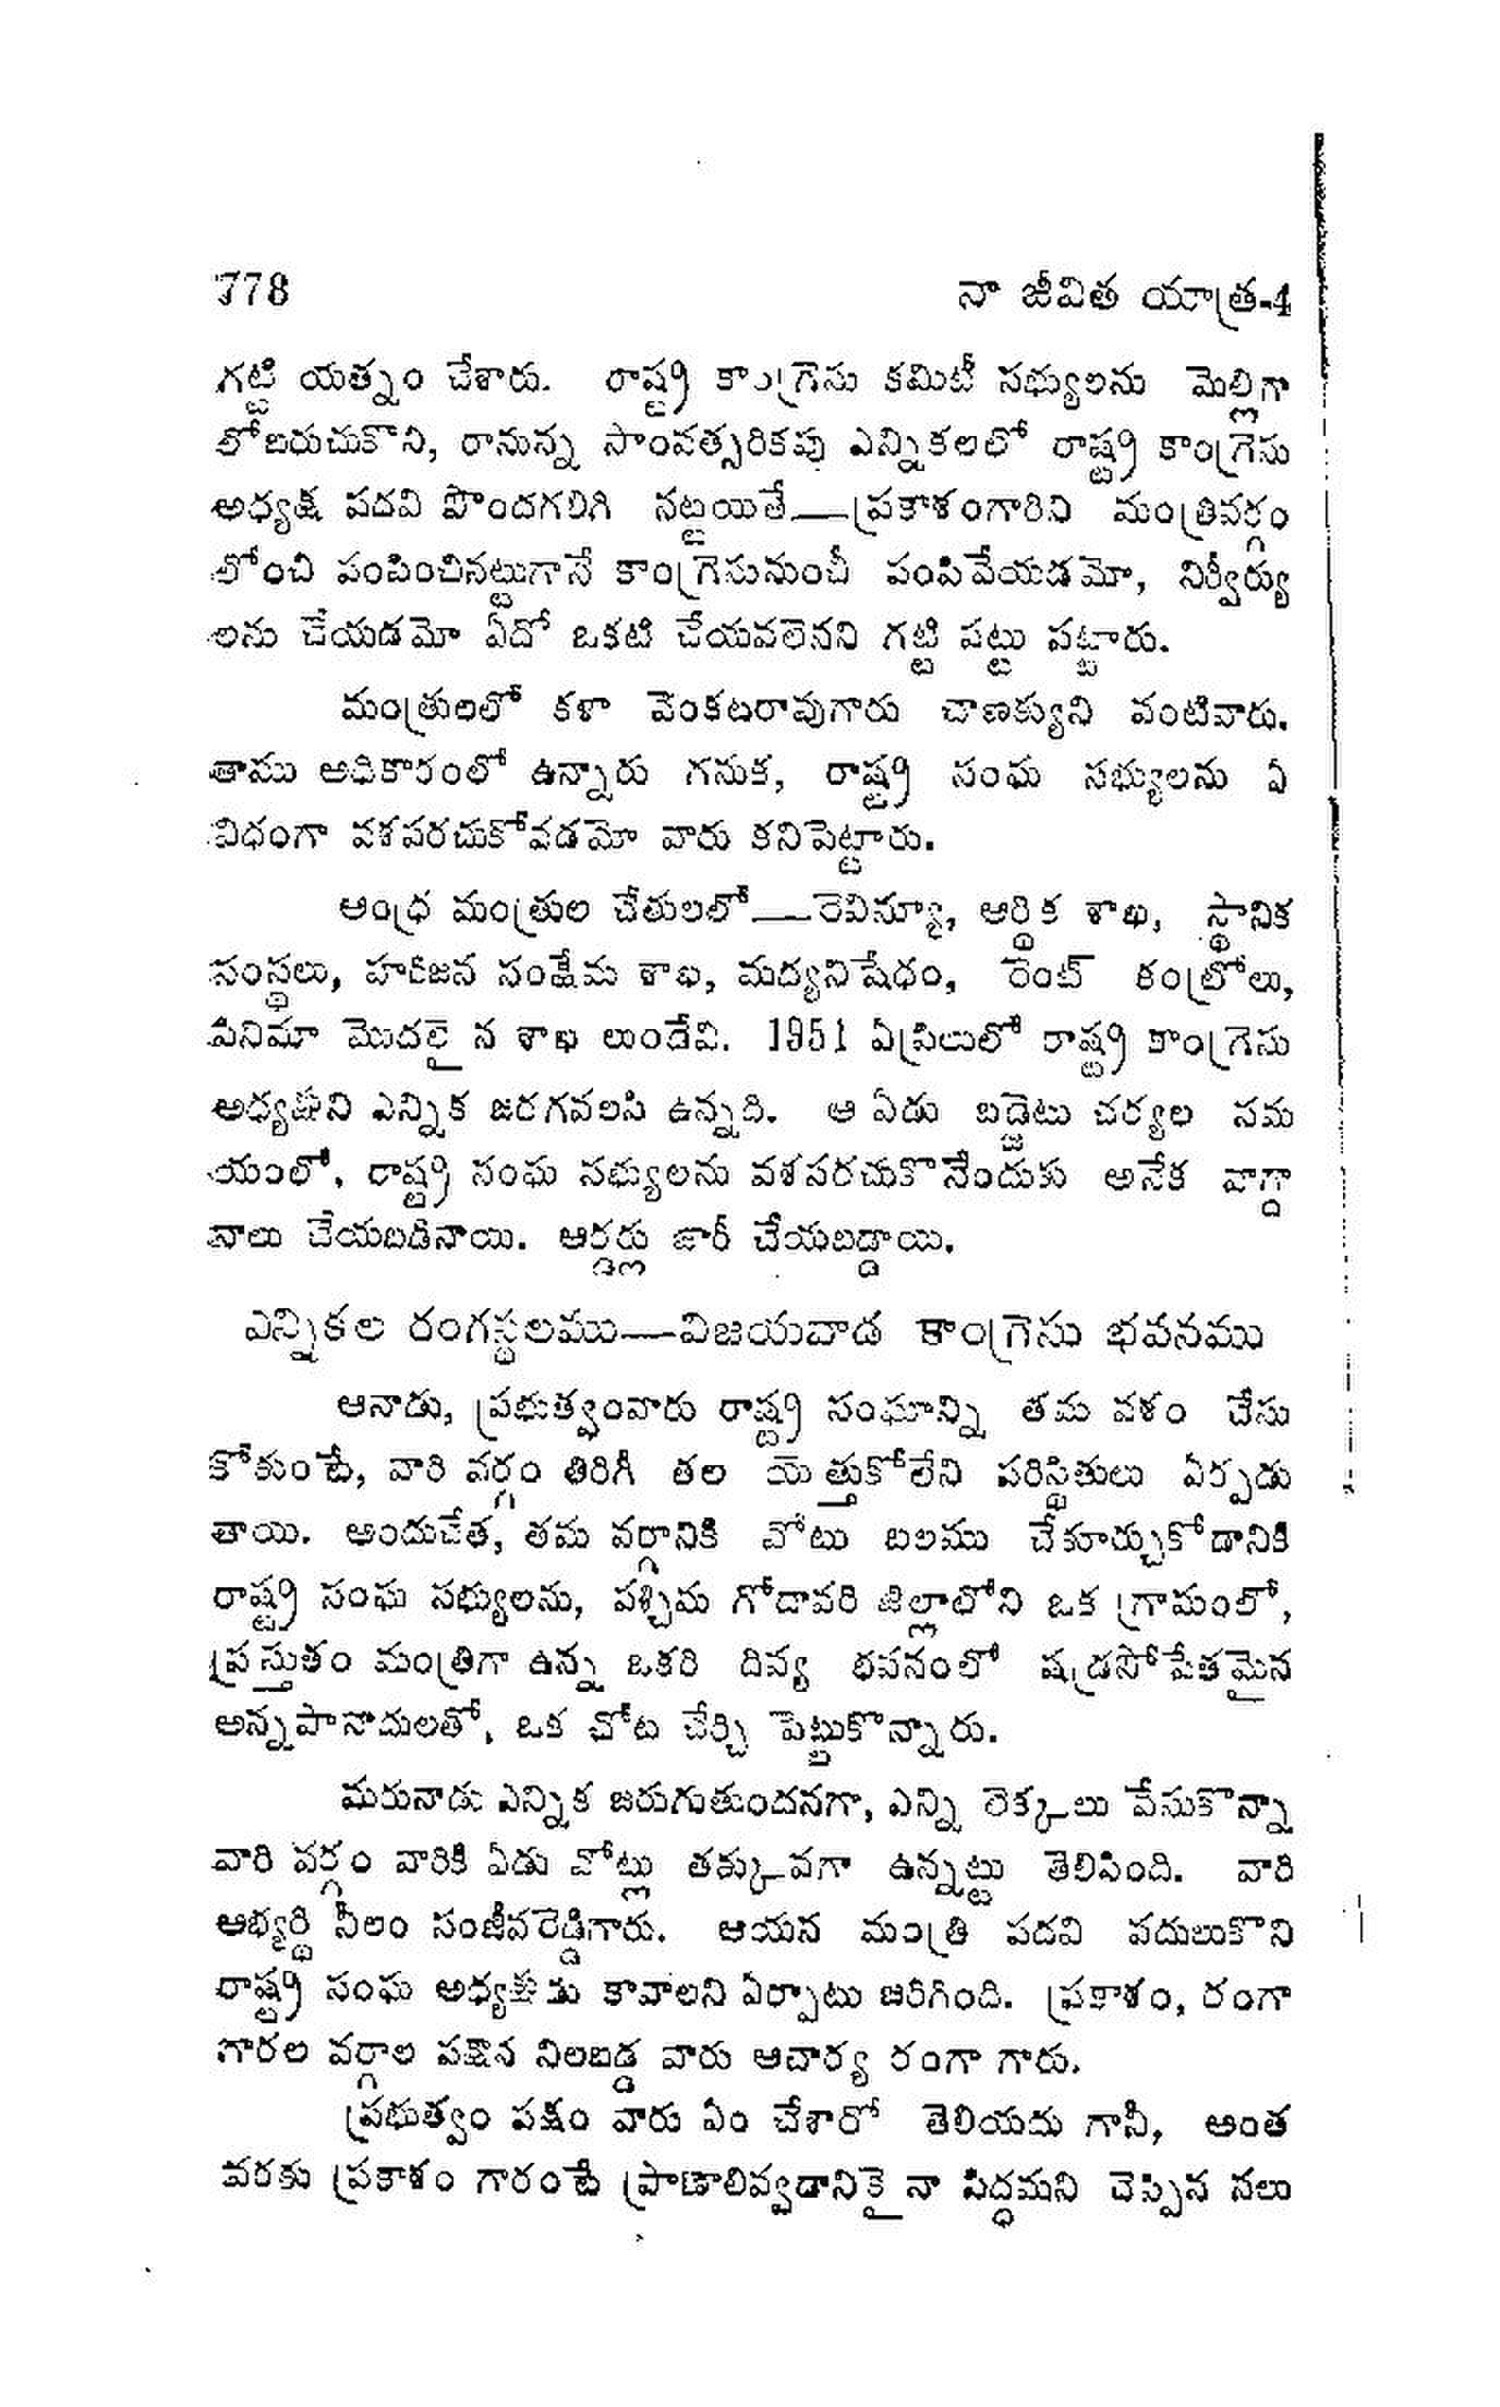గట్టి యత్నం చేశారు. రాష్ట్ర కాంగ్రెసు కమిటీ సభ్యులను మెల్లిగా లోబరచుకొని, రానున్న సాంవత్సరికపు ఎన్నికలలో రాష్ట్ర కాంగ్రెసు అధ్యక్ష పదవి పొందగలిగి నట్టయితే - ప్రకాశంగారిని మంత్రివర్గం లోంచి పంపించినట్టుగానే కాంగ్రెసునుంచీ పంపివేయడమో, నిర్వీర్యులను చేయడమో ఏదో ఒకటి చేయవలెనని గట్టి పట్టు పట్టారు.

మంత్రులలో కళా వెంకటరావుగారు చాణక్యుని వంటివారు. తాము అధికారంలో ఉన్నారు గనుక, రాష్ట్ర సంఘ సభ్యులను ఏ విధంగా వశపరచుకోవడమో వారు కనిపెట్టారు.

ఆంధ్ర మంత్రుల చేతులలో - రెవిన్యూ, ఆర్థిక శాఖ, స్థానిక సంస్థలు, హరిజన సంక్షేమ శాఖ, మద్యనిషేధం, రెంట్ కంట్రోలు, సినిమా మొదలైన శాఖ లుండేవి. 1951 ఏప్రిలులో రాష్ట్ర కాంగ్రెసు అధ్యక్షుని ఎన్నిక జరగవలసి ఉన్నది. ఆ ఏడు బడ్జెటు చర్యల సమయంలో, రాష్ట్ర సంఘ సభ్యులను వశపరచుకొనేందుకు అనేక వాగ్దానాలు చేయబడినాయి. ఆర్డర్లు జారీ చేయబడ్డాయి.

ఆనాడు, ప్రభుత్వంవారు రాష్ట్ర సంఘాన్ని తమ వశం చేసుకోకుంటే, వారి వర్గం తిరిగీ తల యెత్తుకోలేని పరిస్థితులు ఏర్పడుతాయి. అందుచేత, తమ వర్గానికి వోటు బలము చేకూర్చుకోడానికి రాష్ట్ర సంఘ సభ్యులను, పశ్చిమ గోదావరి జిల్లాలోని ఒక గ్రామంలో, ప్రస్తుతం మంత్రిగా ఉన్న ఒకరి దివ్య భవనంలో షడ్రసోపేతమైన అన్నపానాదులతో, ఒక చోట చేర్చి పెట్టుకొన్నారు.

మరునాడు ఎన్నిక జరుగుతుందనగా, ఎన్ని లెక్కలు వేసుకొన్నా వారి వర్గం వారికి ఏడు వోట్లు తక్కువగా ఉన్నట్టు తెలిసింది. వారి అభ్యర్థి నీలం సంజీవరెడ్డిగారు. ఆయన మంత్రి పదవి వదులుకొని రాష్ట్ర సంఘ అధ్యక్షుడు కావాలని ఏర్పాటు జరిగింది. ప్రకాశం, రంగా గారల వర్గాల పక్షాన నిలబడ్డ వారు ఆచార్య రంగా గారు.

ప్రభుత్వం పక్షం వారు ఏం చేశారో తెలియదు గానీ, అంత వరకు ప్రకాశం గారంటే ప్రాణాలివ్వడానికైనా సిద్ధమని చెప్పిన నలు